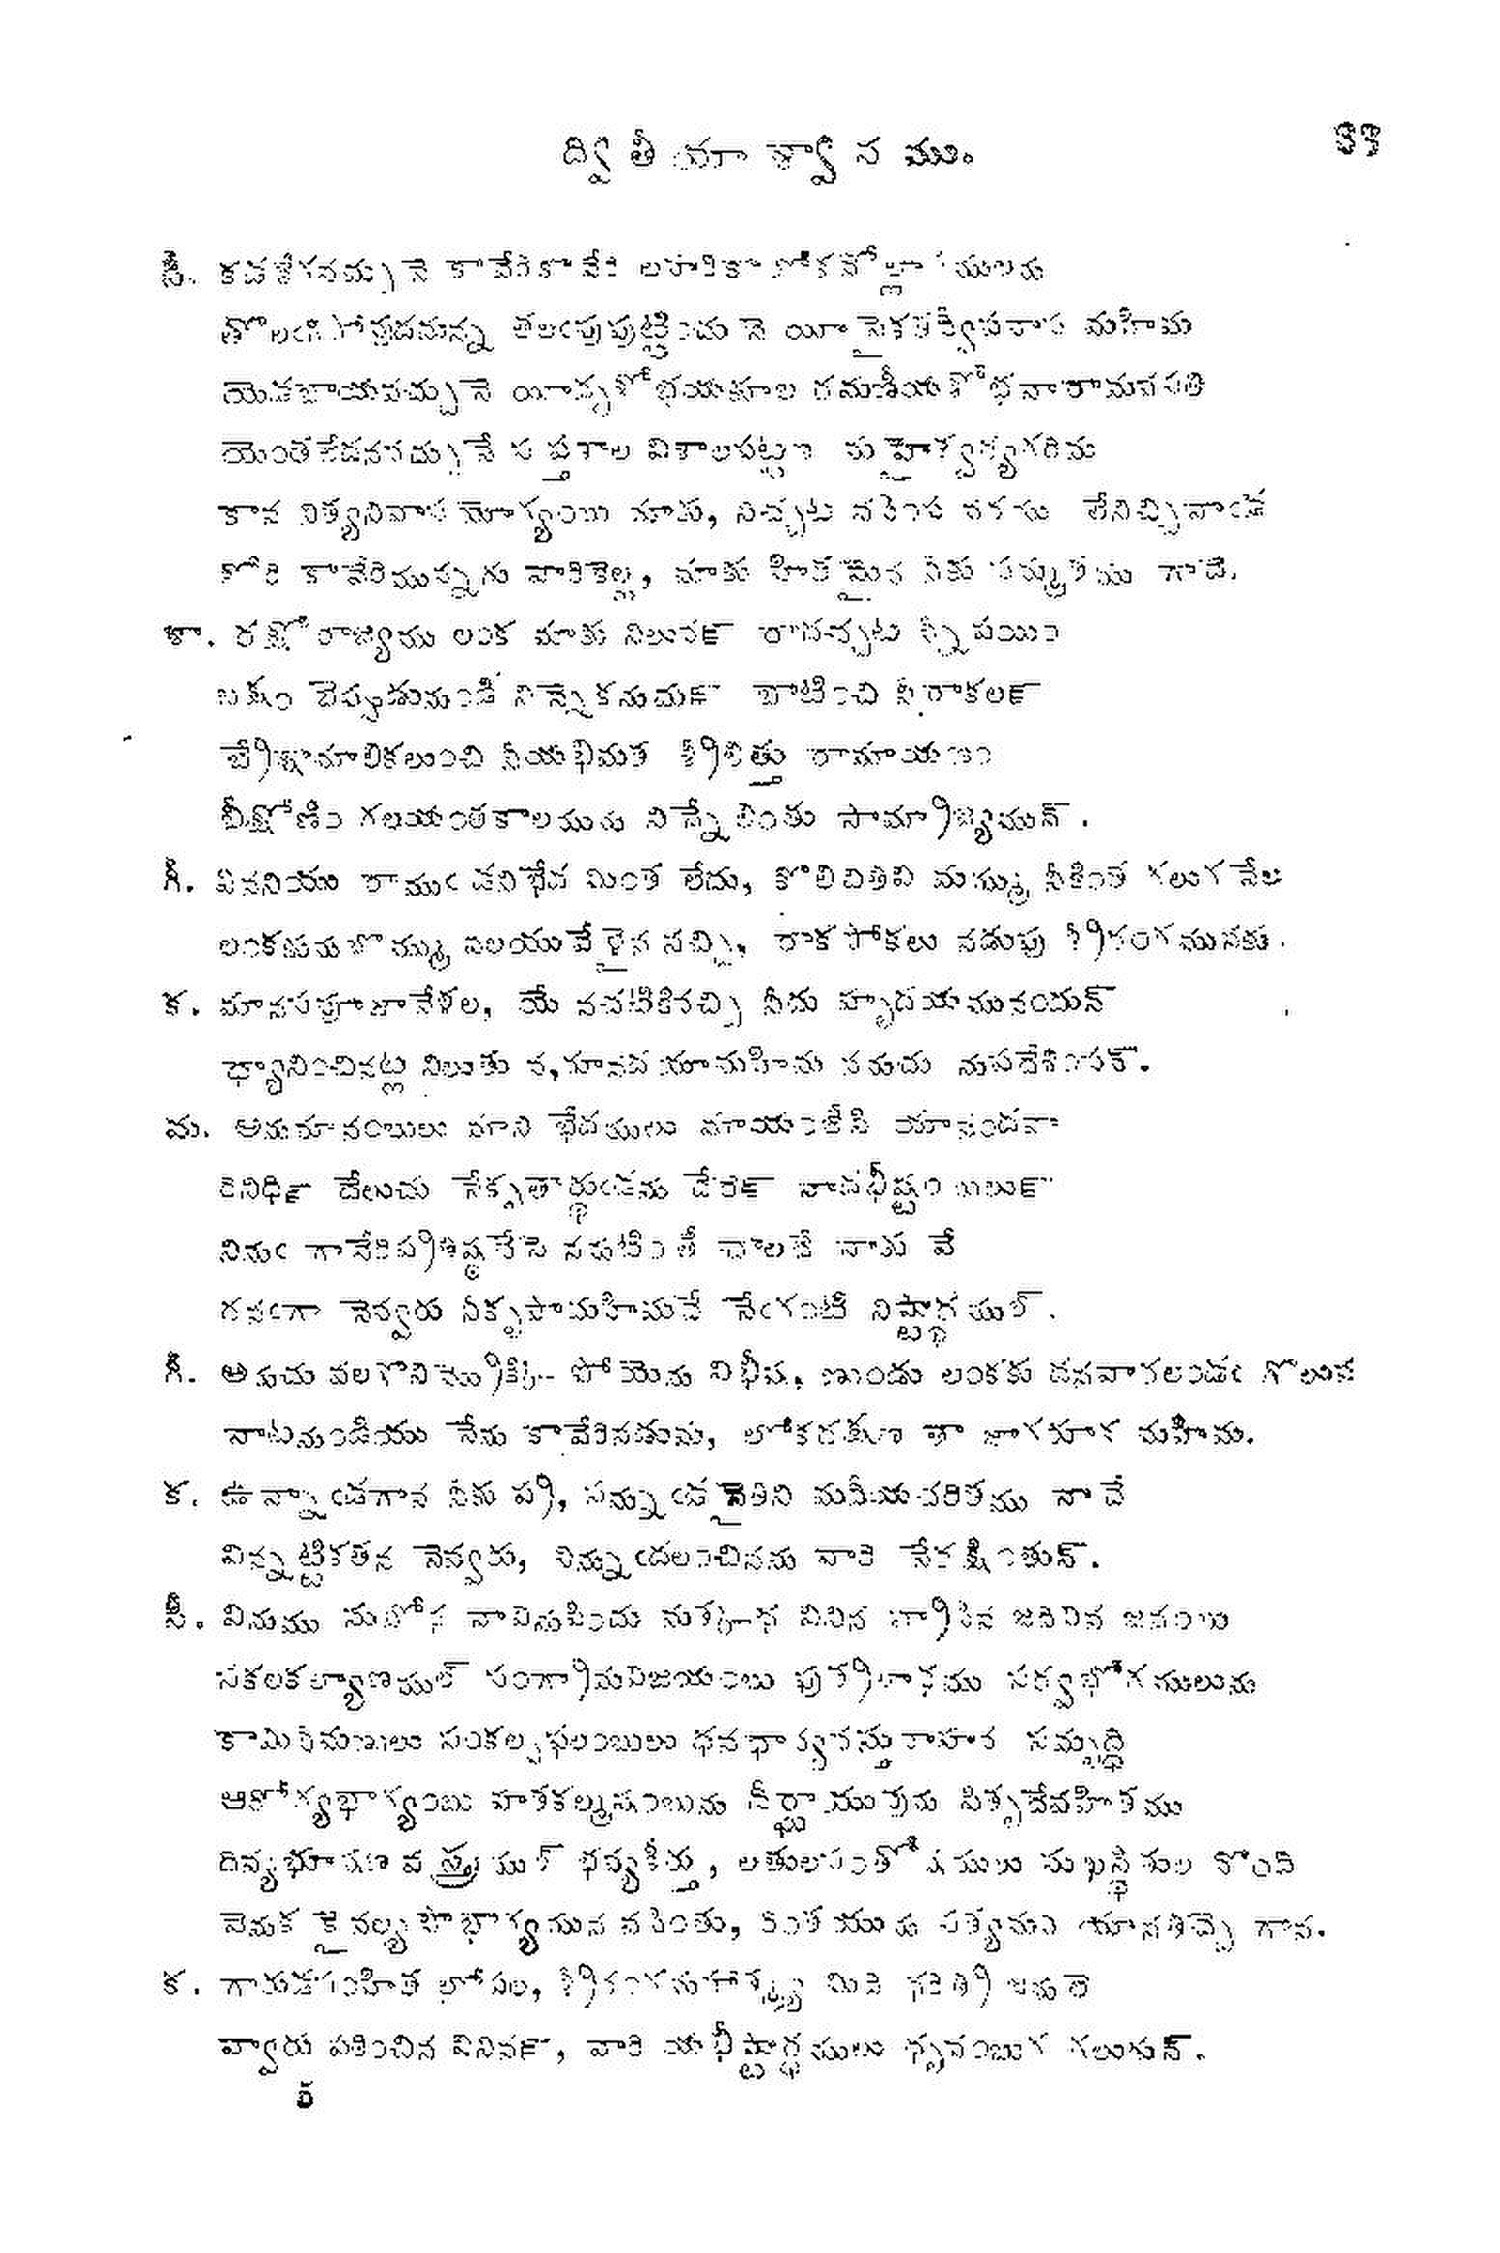సీ. కడకేగవచ్చునె కావేరి కావేరి లహరికాల్లోకనోల్లాసములను
 తొలఁగిపోవుదమన్న తలఁపుపుట్టించునె యీసైకతద్వీపవాసమహిమ
 యెడబాయవచ్చునె యీదృకోభయకూల రమణీయశోభనారామవసతి
 యెంత లేదనవచ్చునే సప్తకాల విశాలపట్టణ మహైశ్వర్యగరిమ
 కాన నిత్యనివాసయోగ్యంబు మాకు, నిచ్చట నివసింప వరము లేనిచ్చినాఁడ
 కోరి కావేరి మున్నగువారి కెల్ల, మాకు హితమైన నీకు సమ్మతము గాదె.
శా. రక్షోరాజ్యము లంక మాకు నిలువన్ రాదచ్చట న్నీపయిం
 బక్షం బెప్పుడునుండి నిన్నెకనుచున్ బాటించి నీరాకలన్
 బ్రేక్షామాలికలుంచి నీయభిమత శ్రీలిత్తు రామాయణం
 బీక్షోణిం గలయంతకాలమును నిన్నేలింతు సామ్రాజ్యమున్.
గీ. విననియు రాముఁ డని భేద మింత లేదు, కొలిచితివి మమ్ము నీకింత కలుగనేల
 లంకకును బొమ్ము వలయువేళైన వచ్చి, రాకపోకలు నడుపు శ్రీరంగమునకు.
క. మానసపూజావేళల, యే నచటికి వచ్చి నీదు హృదయమునందున్
 ధ్యానించినట్ల నిలుతు న, నూనదయామహిమ ననుచు నుపదేశింపన్.
మ. అనుమానంబులు మాని భేదములు మాయంజేసి యానందవా
 రినిధిన్ దేలుచు నేకృతార్థుఁడను చేరెన్ నాదభీష్టంబులున్
 నినుఁ గానేదిప్రతిష్ట చేసె ననుటింతే చాలదే నాకు వే
 రనఁగా నెవ్వరు నీకృపామహిమచే నేగంటి నిష్టార్థముల్.
గీ. అనుచు వలగొని మ్రొక్కిపోయెను విభీష, ణుండు లంకకు తనవారలండఁ గొలువ
 నాటనుండియు నేను కావేరినడుము, లోకరక్షణతా జాగరూకమహిమ.
క. ఉన్నాఁడగాన నీకు ప్ర, సన్నుఁనైతిని మదీయచరితము నాచే
 విన్నట్టికతన నెవ్వరు, నిన్నుఁ దలంచినను వారి నేరక్షింతున్.
సీ. వినుము సుబోధ నా వినుపించు మత్కథ వినిన వ్రాసిన జదివిన జనంబు
 సకలకల్యాణముల్ సంగ్రామవిజయంబు పుత్రలాభము సర్వభోగములును
 కామినీమణులు సంకల్పఫలంబులు ధనధాన్యవస్తువాహనసమృద్ధి
 ఆరోగ్యభాగ్యంబు హతకల్మషంబును దీర్ఘాయువును పితృదేవహితము
 దివ్యభూషణవస్త్రముల్ భవ్యకీర్తు, లతులసంతోషములు సుఖస్థితుల నొంది
 వెనుక కైవల్యసౌభాగ్యమున వసింతు, రింతయును సత్యమని యానతిచ్చె గాన.
క. గారుడసంహితలోపల, శ్రీరంగమహాత్మ్య మిది ధరిత్రిజను లె
 వ్వారు పఠించిన వినినన్, వారి యభీష్టార్థములు ధృవంబుగ గలుగున్.